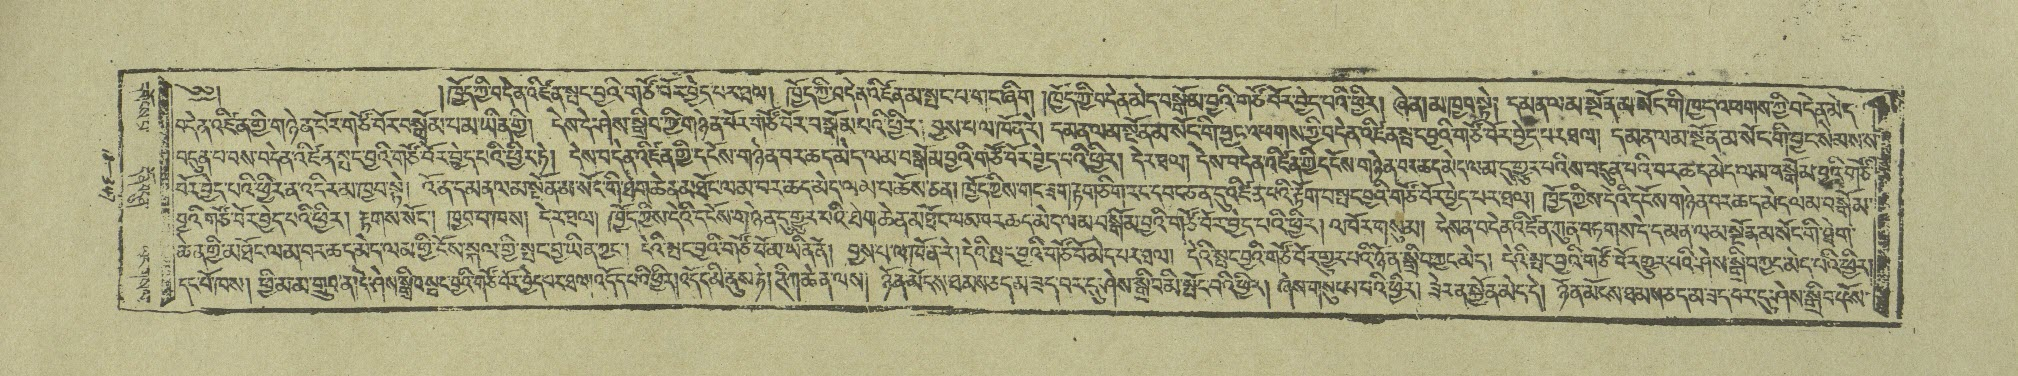༄༅། །ཁྱོད་ཀྱི་བདེན་འཛིན་སྤང་བྱའི་གཙོ་བོར་བྱེད་པར་ཐལ། ཁྱོད་ཀྱི་བདེན་འཛིན་མ་སྤང་པ་གང་ཞིག །ཁྱོད་ཀྱི་བདེན་མེད་བསྒོམ་བྱའི་གཙོ་བོར་བྱེད་པའི་ཕྱིར། ཞེ་ན། མ་ཁྱབ་སྟེ། དམན་ལམ་སྔོན་མ་སོང་གི་ཁྱད་འཕགས་ཀྱི་བདེན་མེད་
བདེན་འཛིན་གྱི་གཉེན་པོར་གཙོ་བོར་བསྒོམ་པ་མ་ཡིན་གྱི། དེས་དེ་ཤེས་སྒྲིབ་ཀྱི་གཉེན་པོར་གཙོ་བོར་བསྒོམ་པའི་ཕྱིར། བྱས་པ་ལ་ཁོ་ན་རེ། དམན་ལམ་སྔོན་མ་སོང་གི་བྱང་འཕགས་ཀྱི་བདེན་འཛིན་སྤང་བྱའི་གཙོ་བོར་བྱེད་པར་ཐལ། དམན་ལམ་སྔོན་མ་སོང་གི་བྱང་སེམས་ས་
བདུན་པ་བས་བདེན་འཛིན་སྤང་བྱའི་གཙོ་བོར་བྱེད་པའི་ཕྱིར་ཏེ། དེས་བདེན་འཛིན་གྱི་དངོས་གཉེན་བར་ཆད་མེད་ལམ་བསྒོམ་བྱའི་གཙོ་བོར་བྱེད་པའི་ཕྱིར། དེར་ཐལ། དེས་བདེན་འཛིན་གྱི་དངོས་གཉེན་བར་ཆད་མེད་ལམ་དུ་གྱུར་པའི་ས་བདུན་པའི་བར་ཆད་མེད་ལམ་བསྒོམ་བྱའི་གཙོ་
བོར་བྱེད་པའི་ཕྱིར་ན་འདིར་མ་ཁྱབ་སྟེ། འོ་ན་དམན་ལམ་སྔོན་མ་སོང་གི་ཐེག་ཆེན་མཐོང་ལམ་བར་ཆད་མེད་ལམ་པ་ཆོས་ཅན། ཁྱོད་ཀྱིས་གང་ཟག་རྟག་ཅིག་རང་དབང་ཅན་དུ་འཛིན་པའི་རྟོག་པ་སྤང་བྱའི་གཙོ་བོར་བྱེད་པར་ཐལ། ཁྱོད་ཀྱིས་དེའི་དངོས་གཉེན་བར་ཆད་མེད་ལམ་བསྒོམ་
བྱའི་གཙོ་བོར་བྱེད་པའི་ཕྱིར། རྟགས་སོང་། ཁྱབ་པ་ཁས། དེར་ཐལ། ཁྱོད་ཀྱིས་དེའི་དངོས་གཉེན་དུ་གྱུར་པའི་ཐེག་ཆེན་མཐོང་ལམ་བར་ཆད་མེད་ལམ་བསྒོམ་བྱའི་གཙོ་བོར་བྱེད་པའི་ཕྱིར། འཁོར་གསུམ། དེས་ན་བདེན་འཛིན་ཀུན་བཏགས་དེ་དམན་ལམ་སྔོན་མ་སོང་གི་ཐེག་
ཆེན་གྱི་མཐོང་ལམ་བར་ཆད་མེད་ལམ་གྱི་ངོས་སྐལ་གྱི་སྤང་བྱ་ཡིན་ཀྱང་། དེའི་སྤང་བྱའི་གཙོ་བོ་མ་ཡིན་ནོ། །བྱས་པ་ལ་ཁོ་ན་རེ། དེའི་སྤང་བྱའི་གཙོ་བོ་མེད་པར་ཐལ། དེའི་སྤང་བྱའི་གཙོ་བོར་གྱུར་པའི་ཉོན་སྒྲིབ་ཀྱང་མེད། དེའི་སྤང་བྱའི་གཙོ་བོར་གྱུར་པའི་ཤེས་སྒྲིབ་ཀྱང་མེད་པའི་ཕྱིར།
དང་པོ་ཁས། ཕྱི་མ་མ་གྲུབ་ན། དེ་ཤེས་སྒྲིབ་སྤང་བྱའི་གཙོ་བོར་བྱེད་པར་ཐལ། འདོད་པའི་ཕྱིར། འདོད་མི་ནུས་ཏེ། ཊིཀ་ཆེན་ལས། ཉོན་མོངས་ཐམས་ཅད་མ་ཟད་བར་དུ་ཤེས་སྒྲིབ་མི་སྤོང་པའི་ཕྱིར། ཞེས་གསུངས་པའི་ཕྱིར། ཟེར་ན་སྐྱོན་མེད་དེ། ཉོན་མོངས་ཐམས་ཅད་མ་ཟད་བར་དུ་ཤེས་སྒྲིབ་དངོས་